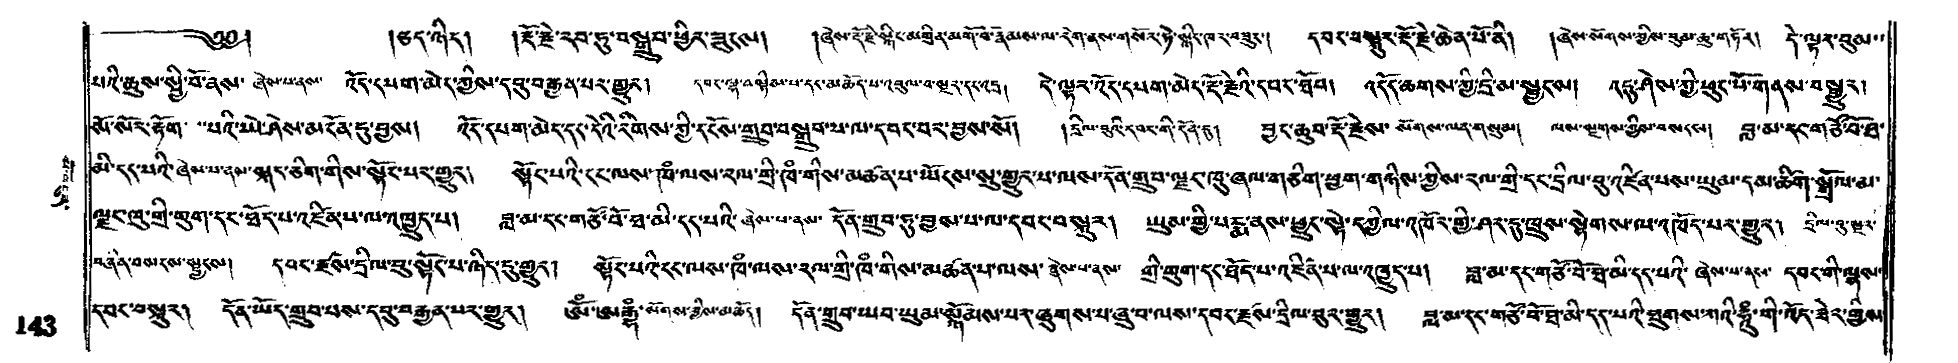༄༅། །ཅད་ཉིད། །རྡོ་རྗེ་རབ་ཏུ་བསྒྲུབ་ཕྱིར་ཟུངས། །ཞེས་རྡོ་རྗེ་སྙིང་མགྲིན་མགོ་བོ་རྣམས་ལ་རེག་ནས་གསོར་ཏེ་སྙིང་ཁར་བཟུང་།  དབང་བསྐུར་རྡོ་རྗེ་ཆེན་པོ་ནི། །ཞེས་སོགས་ཀྱིས་བུམ་ཆུ་གཏོར།  དེ་ལྟར་བུམ་
པའི་ཆུས་སྤྱི་བོ་ནས་ཞེས་པ་ནས་འོད་དཔག་མེད་ཀྱིས་དབུ་བརྒྱན་པར་གྱུར། དབང་ལྷ་བསྟིམ་པ་དང་མཆོད་པ་འབུལ་བ་སྔར་དང་འདྲ།  དེ་ལྟར་འོད་དཔག་མེད་རྡོ་རྗེའི་དབང་ཐོབ། འདོད་ཆགས་ཀྱི་དྲི་མ་སྦྱངས། འདུ་ཤེས་ཀྱི་ཕུང་པོ་གནས་བསྒྱུར།
སོ་སོར་རྟོག་པའི་ཡེ་ཤེས་མངོན་དུ་བྱས། འོད་དཔག་མེད་དང་དེའི་རིགས་ཀྱི་དངོས་གྲུབ་བསྒྲུབ་པ་ལ་དབང་བར་བྱས་སོ། །དྲིལ་བུའི་དབང་གི་དོན་དུ།  བྱང་ཆུབ་རྡོ་རྗེས་སོགས་ལན་གསུམ། ལས་སྔགས་ཀྱིས་བསངས།  བླ་མ་དང་གཙོ་བོ་ཐ་
མི་དད་པའི་ཞེས་པ་ནས་སྐད་ཅིག་གིས་སྟོང་པར་གྱུར། སྟོང་པའི་ངང་ལས་ཁཾ་ལས་རལ་གྲི་ཁཾ་གིས་མཚན་པ་ཡོངས་སུ་གྱུར་པ་ལས་དོན་གྲུབ་ལྗང་ཁུ་ཞལ་གཅིག་ཕྱག་གཉིས་ཀྱིས་རལ་གྲི་དང་དྲིལ་བུ་འཛིན་པས་ཡུམ་དམ་ཚིག་སྒྲོལ་མ་
ལྗང་ཁུ་གྲི་གུག་དང་ཐོད་པ་འཛིན་པ་ལ་འཁྱུད་པ། བླ་མ་དང་གཙོ་བོ་ཐ་མི་དད་པའི་ཞེས་པ་ནས་དོན་གྲུབ་ཏུ་བྱས་པ་ལ་དབང་བསྐུར། ཡུམ་གྱི་པདམ་ནས་ཕྱུང་སྟེ་དཀྱིལ་འཁོར་གྱི་ཤར་དུ་ཁྲུས་སྟེགས་ལ་འཁོད་པར་གྱུར། དྲིལ་བུ་སྔར་
བཞིན་བསངས་སྦྱངས། དབང་རྫས་དྲིལ་བུ་སྟོང་པ་ཉིད་དུ་གྱུར། སྟོང་པའི་ངང་ལས་ཁཾ་ལས་རལ་གྲི་ཁཾ་གིས་མཚན་པ་ལས་ཞེས་པ་ནས་གྲི་གུག་དང་ཐོད་པ་འཛིན་པ་ལ་འཁྱུད་པ། བླ་མ་དང་གཙོ་བོ་ཐ་མི་དད་པའི་ཞེས་པ་ནས་དབང་གི་ལྷས་
དབང་བསྐུར། དོན་ཡོད་གྲུབ་པས་དབུ་བརྒྱན་པར་གྱུར། ཨོཾ་ཨརྒྷཾ་སོགས་ཀྱིས་མཆོད།  དོན་གྲུབ་ཡབ་ཡུམ་སྙོམས་པར་ཞུགས་པ་ཞུ་བ་ལས་དབང་རྫས་དྲིལ་བུར་གྱུར། བླ་མ་དང་གཙོ་བོ་ཐ་མི་དད་པའི་ཐུགས་ཀའི་ཧཱུཾ་གི་འོད་ཟེར་གྱིས་